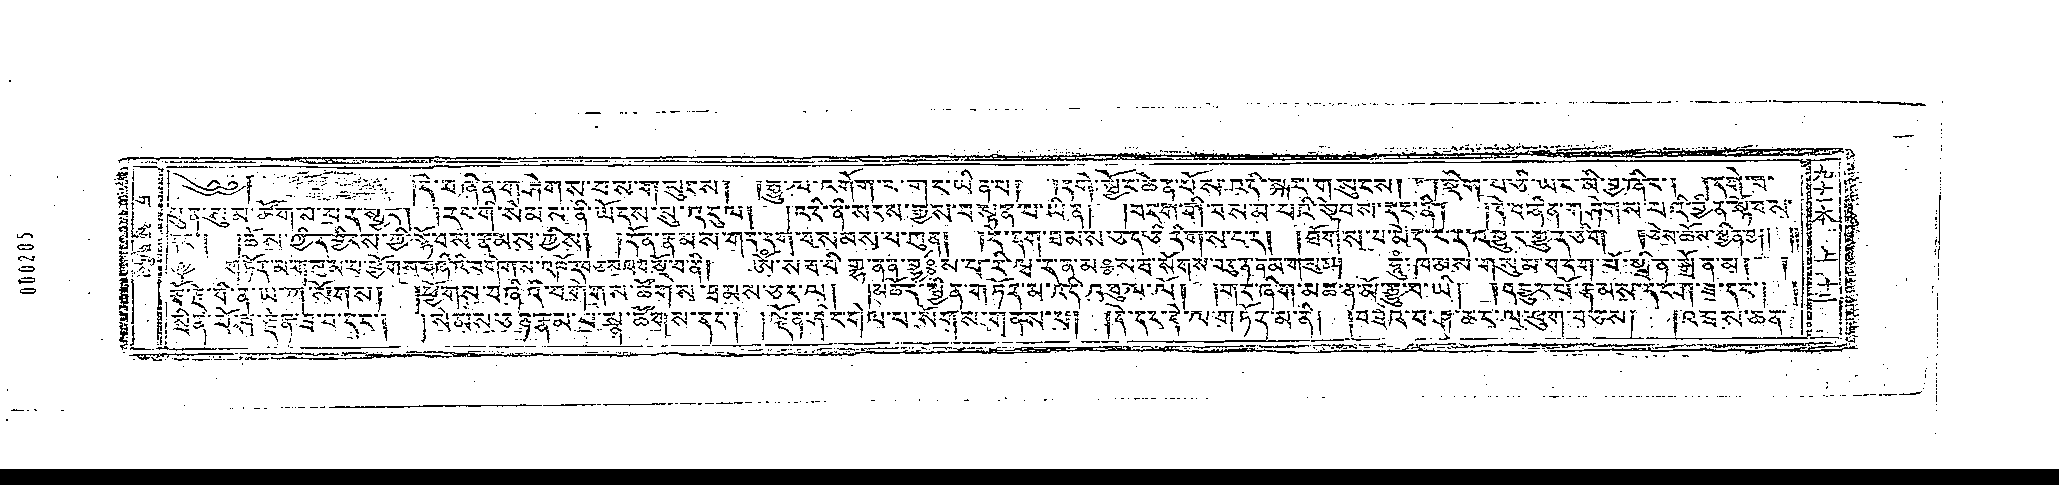༄༅། །དེ་བཞིན་གཤེགས་པས་གསུངས། །རྒྱུ་ལ་འགོག་པ་གང་ཡིན་པ། །དགེ་སྦྱོང་ཆེན་པོས་འདི་སྐད་གསུངས། །སྡིག་པ་ཅི་ཡང་མི་བྱ་ཞིང་། །དགེ་བ་
ཕུན་སུམ་ཚོགས་པར་སྦྱར། །རང་གི་སེམས་ནི་ཡོངས་སུ་འདུལ། །འདི་ནི་སངས་རྒྱས་བསྟན་པ་ཡིན། །བདག་གི་བསམ་པའི་སྟོབས་དང་ནི། །དེ་བཞིན་གཤེགས་པའི་བྱིན་སྟོབས་
དང་། །ཆོས་ཀྱི་དབྱིངས་ཀྱི་སྟོབས་རྣམས་ཀྱིས། །དོན་རྣམས་གང་དག་བསམས་པ་ཀུན། །དེ་དག་ཐམས་ཅད་ཅི་རིགས་པར། །ཐོགས་པ་མེད་པར་འབྱུང་གྱུར་ཅིག །ཅེས་ཆོས་སྦྱིན་བྱ།། །།
༈ གཏོར་མ་གསུམ་པ་ཕྱོགས་བཞིའི་བགེགས་འཁོར་བཅས་ལ་བསྡོ་བ་ནི། ཨོཾ་སརྦ་བཾ་གྷ་ན་ན་བྷྱཿ་ས་པ་རི་ཝ་ར་ནམཿ་སརྦ་སོགས་བདུན་ནམ་གསུམ། ཧཱུཾ་ཁམས་གསུམ་བདག་པོ་སྤྲིན་སྒྲོན་མ། །
རྡོ་རྗེ་བི་ན་ཡ་ཀ་སོགས། །ཕྱོགས་བཞིའི་བགེགས་ཚོགས་ཐམས་ཅད་ལ། །མཆོད་སྦྱིན་གཏོར་མ་འདི་འབུལ་ལོ། །གང་ཞིག་མཚན་མོ་རྒྱུ་པ་ཡི། །འབྱུང་པོ་རྣམས་དང་ཤ་ཟ་དང་། །
སྲིན་པོ་ཤ་རྗེན་ཟ་བ་དང་། །སེམས་ཅན་རྣམས་པ་སྣ་ཚོགས་དང་། །ལྗོན་ཤིང་གེལ་པ་སོགས་གནས་པ། །དེ་དང་དེ་ལ་གཏོར་མ་ནི། །བཟའ་བ་ཤ་ཆང་ལ་ཕུག་བཅས། །འབྲས་ཆན་